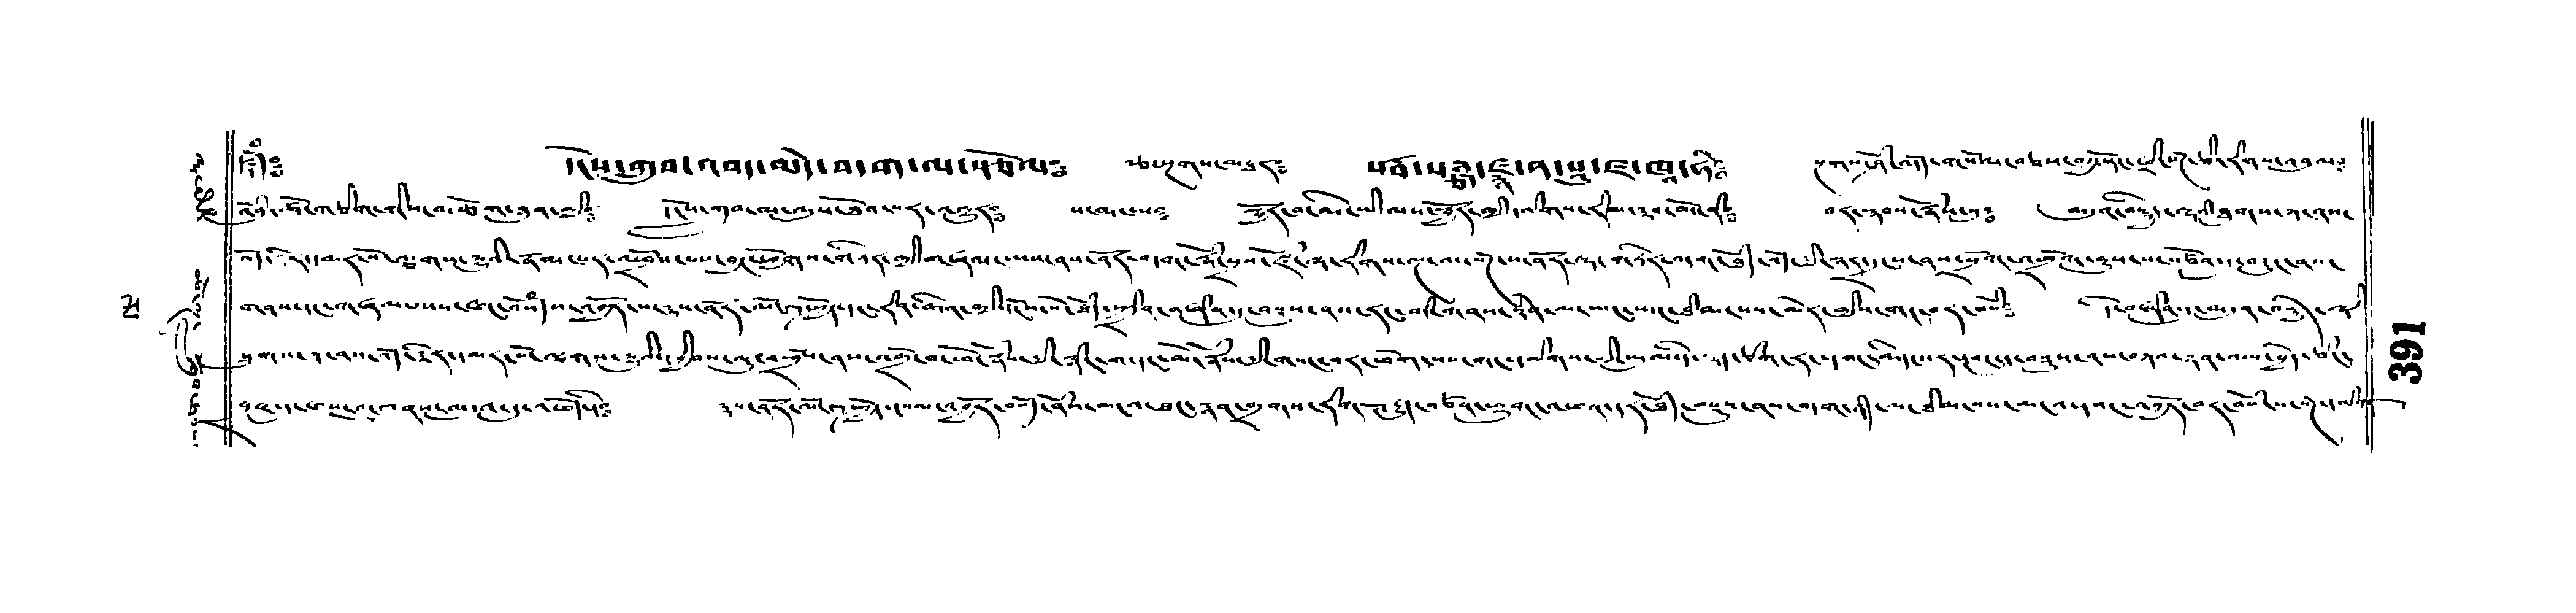དངོས་གྲུབ་འབད་མེད་བདག་ལ་སྩོལ༔ རྩ་སྔགས་མཐར༔ སརྦ་པཉྩ་ཛྙཱ་ན་པཱུ་ཛ་ཁཱ་ཧིཿ སྔགས་ཤམ་འདོད་གསོལ་བཅས་བརྒྱ་སྟོང་ཁྲི་ཅི་རིགས་འབུལ༔ 
འབུམ་ཚོ་གཅིག་གིས་མཆོག་ཐུན་གྱི༔ དངོས་གྲུབ་མ་ལུས་ཐོབ་པར་འགྱུར༔ ས་མ་ཡ༔ སྦྱོར་བ་མེ་ཡི་ལས་སྦྱོར་གྱི་དམིགས་རིམ་ཟབ་མོ་ནི༔ བར་སྐབས་རྣམས་སུ༔ མདུན་བསྐྱེད་ལྷའི་ཐུགས་ཀ་ནས་
འོད་ཟེར་དམར་པོ་ལྕགས་ཀྱུའི་རྣམ་པར་འཕྲོས་པས་བྱང་ཕྱོགས་གཏེར་གྱི་གཞལ་ཡས་ནས་ནོར་བདག་རྣམ་སྲས་ཛམ་ལྷ་རིགས་ལྔ་ལ་སོགས་པ་ནོར་ལྷ་གཏེར་བདག་ཐམས་ཅད་འོད་ཀྱི་སྣར་དྲངས་ནས་སྲོག་འཕྲོག་ནུས་པ་བཙོན་དུ་བཟུང་ནས་
གནས་དང་གཞལ་ཡས་ཁང་བསོད་ནམས་འབྱོར་པ་ཟས་ནོར་ལོངས་སྤྱོད་དང་རིན་ཆེན་གྱི་དངོས་པོ་ཐམས་ཅད་སྤྲིན་བཞིན་དུ་བསྡུས་ནས་རང་གི་གནས་རྟེན་ལ་ཡང་ཡང་ཐིམ་པས་མེར་གྱིས་གང་བར་བསམ༔ དེ་བཞིན་དུ་མདུན་བསྐྱེད་ལྷའི་
ཐུགས་ཀ་ནས་འོད་ཟེར་དམར་པོ་ལྕགས་ཀྱུའི་དབྱིབས་ལྟ་བུ་འཕྲོས་ནས་འགྲོ་བ་ཕོ་རྣམས་ཀྱི་སྙིང་ག་དང་མོ་རྣམས་ཀྱི་གསང་བར་ཕོག་པས་གང་དམིགས་པའི་ཡུལ་དེ་སྐད་ཅིག་རང་དབང་མེད་པར་དབང་དུ་བསྡུས་ནས་བཀའ་ཉན་ལས་བྱེད་ཅིང་
བྲན་དུ་ཁས་བླངས་ནས་མདུན་དུ་འཁོད་དེ༔ ཟས་ནོར་ལོངས་སྤྱོད་དཔལ་འབྱོར་བསོད་ནམས་མངའ་ཐང་སྙན་གྲགས་རིགས་རྒྱུད་བཙན་ཕྱུག་འཕན་དར་ཐམས་ཅད་བསྡུས་ནས་བདག་ཉིད་ལ་ཐིམ་བས་མངའ་དབང་འབྱོར་བར་བསམ་པ་སོགས་དམིགས་